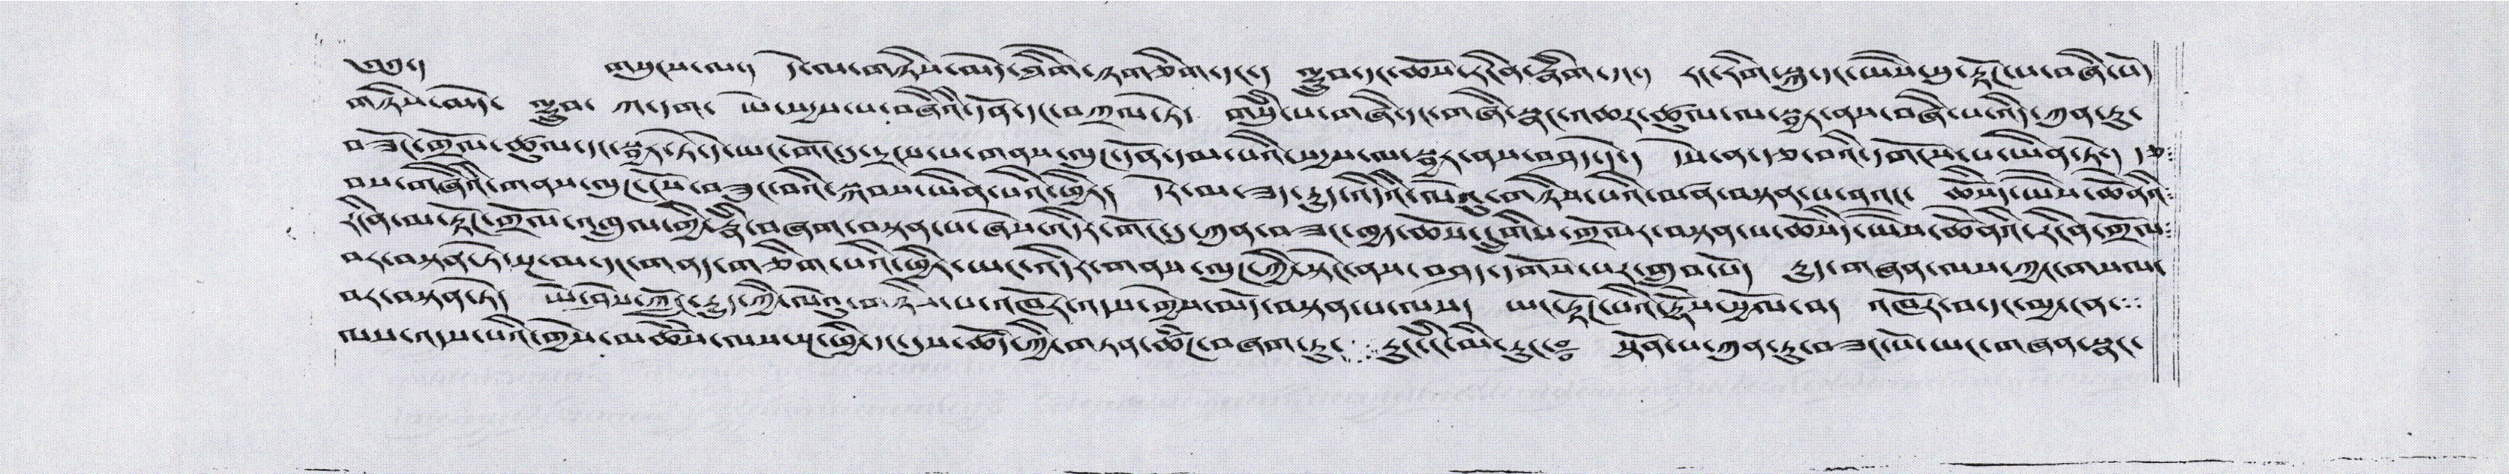གསུངས་ལ། དེ་ལ་གཉིས་མེད་ཐིག་ལེ་ཉག་གཅིག་དང་། ལྷུན་གྲུབ་དང་ཆོས་རང་བཞིན་རྣམ་དག་དང་། རང་རིག་སྐུ་དང་ཡེ་ཤེས་སུ་རྟོགས་པ་བཞི་པོ་
གཉིས་མེད། ལྷུན་གྲུབ། ཀ་དག་ཡེ་སངས་རྒྱས་པ་བཞི་ཡི་དོན་དང་བཀྲལ་ཏེ། གསུམ་པ་གཞི་དང་གཞི་སྣང་འཆར་ཚུལ་ལ་སྦྱར་ནས་བཞི་པ་འདི་ཀུན་ཏུ་
བཟང་པོ་གྲོལ་ཚུལ་དང་སྦྱར་ཏེ་དེ་ཡང་གོང་དུ་དྲངས་པ་གནས་ལུགས་དོན་དམ་པའི་སངས་རྒྱས་ལ་སྦྱར་ནས་བཤད་དེ། དེས་ན་རྩ་བའི་དགོངས་པ་ཡིན་ཏེ། རྩ་
བས་གཞིའི་གནས་ལུགས་ངོས་བཟུང་བའི་སྐབས་ཡིན་པའི་ཕྱིར། དེར་མ་ཟད་རྒྱུད་འདིའི་ལེའུ་གཉིས་པའི་མཚན་བསྟན་པ་ནའང་། ཆོས་ཉིད་ཡེ་ཤེས་ཆེན་
པོའི་རང་བཞིན་གྲོལ་བར་བསྟན་ཏེ་སྔ་མ་དང་གནད་གཅིག་པའི་ཕྱིར་ཡང་འདིར་གནས་ལུགས་ཀྱི་སྟེང་ནས་བཤད་དགོས་པར་གྲུབ་བོ། རྒྱུད་གཞན་ལས་ཀྱང་གསལ་
བར་བསྟན་ཏེ། ཡེ་ཤེས་ཀློང་རྒྱུད་ཀྱི་ལེའུ་གཉིས་པ་འཁོར་འདས་གྱེས་མདོ་བསྟན་པ་ལས། ཡང་རྟོགས་པའི་རྡོ་རྗེས་གསོལ་བ། འཁོར་བ་དང་མྱ་ངན་
ལས་འདས་པའི་གྱེས་མཚམས་ལས་སྔ་ཕྱི་དང་དུས་ཚོད་ཀྱི་གཏན་ཚིགས་བཞག་ཏུ་རུང་ངམ་མི་རུང་། སྟོན་པ་ཀུན་ཏུ་བཟང་པོའང་གཞན་སྣང་